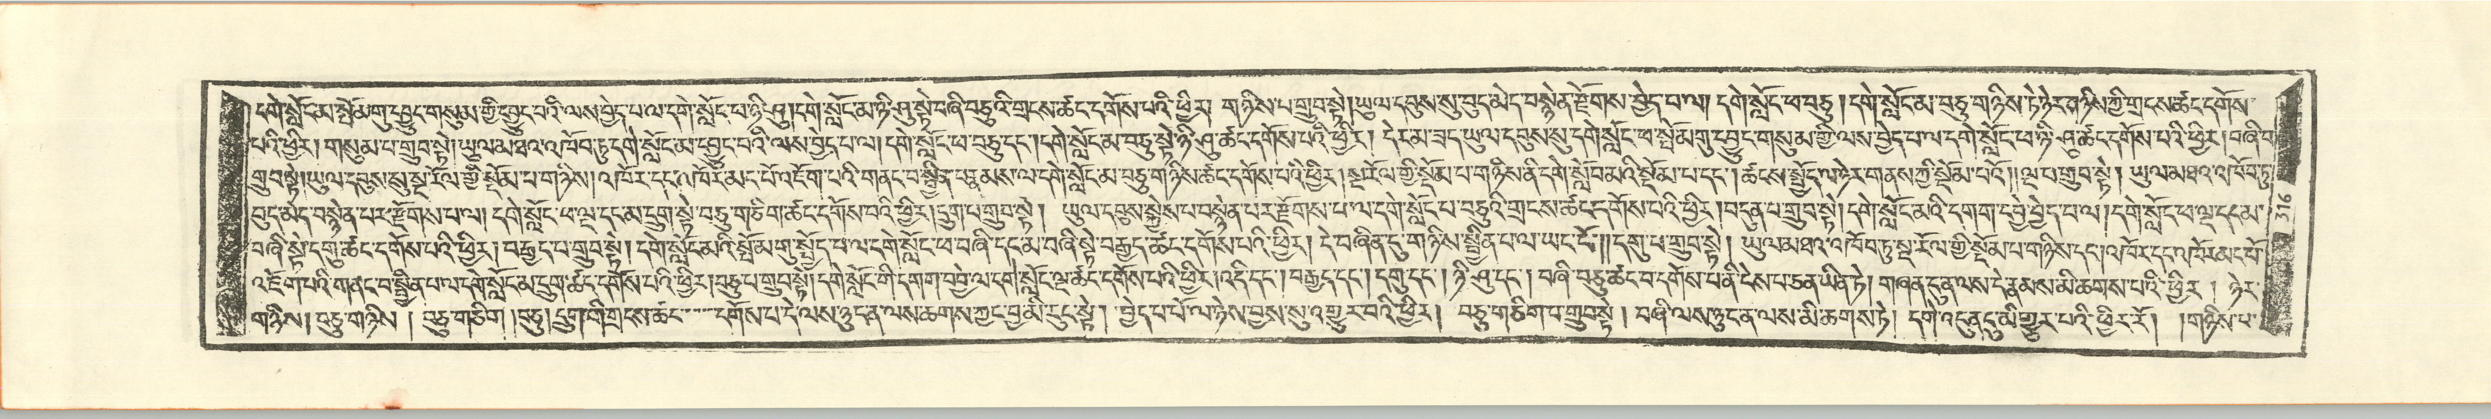དགེ་སློང་མ་སྤོ་མ་གུ་དབྱུང་གསུམ་གྱི་དབྱུང་བའི་ལས་བྱེད་པ་ལ་དགེ་སློང་པ་ཉི་ཤུ། དགེ་སློང་མ་ཉི་ཤུ་སྟེ་བཞི་བཅུའི་གྲངས་ཚང་དགོས་པའི་ཕྱིར། གཉིས་པ་གྲུབ་སྟེ། ཡུལ་དབུས་སུ་བུད་མེད་བསྙེན་རྫོགས་བྱེད་པ་ལ། དགེ་སློང་ཕ་བཅུ། དགེ་སློང་མ་བཅུ་གཉིས་ཏེ་ཉེར་གཉིས་ཀྱི་གྲངས་ཚང་དགོས་
པའི་ཕྱིར། གསུམ་པ་གྲུབ་སྟེ། ཡུལ་མཐའ་འཁོབ་ཏུ་དགེ་སློང་མ་དབྱུང་བའི་ལས་བྱེད་པ་ལ། དགེ་སློང་ཕ་བཅུ་དང་། དགེ་སློང་མ་བཅུ་སྟེ་ཉི་ཤུ་ཚང་དགོས་པའི་ཕྱིར། དེར་མ་ཟད་ཡུལ་དབུས་སུ་དགེ་སློང་ཕ་སྤོ་མགུ་དབྱུང་གསུམ་གྱི་ལས་བྱེད་པ་ལ་དགེ་སློང་ཕ་ཉི་ཤུ་ཚང་དགོས་པའི་ཕྱིར། བཞི་བ་
གྲུབ་སྟེ། ཡུལ་དབུས་སུ་སྔ་རོལ་གྱི་སྡོམ་པ་གཉིས། འཁོར་དང་འཁོར་མང་པོ་འཇོག་པའི་གནང་བ་སྦྱིན་པ་རྣམས་ལ་དགེ་སློང་མ་བཅུ་གཉིས་ཚང་དགོས་པའི་ཕྱིར། སྔ་རོལ་གྱི་སྡོམ་པ་གཉིས་ནི་དགེ་སློབ་མའི་སྡོམ་པ་དང་། ཚངས་སྤྱོད་ལ་ཉེར་གནས་ཀྱི་སྡོམ་པའོ། །ལྔ་པ་གྲུབ་སྟེ། ཡུལ་མཐའ་འཁོབ་ཏུ་
བུད་མེད་བསྙེན་པར་རྫོགས་པ་ལ། དགེ་སློང་ཕ་ལྔ་དང་མ་དྲུག་སྟེ་བཅུ་གཅིག་ཚང་དགོས་པའི་ཕྱིར། དྲུག་པ་གྲུབ་སྟེ། ཡུལ་དབུས་སྐྱེས་པ་བསྙེན་པར་རྫོགས་པ་ལ་དགེ་སློང་པ་བཅུའི་གྲངས་ཚང་དགོས་པའི་ཕྱིར། བདུན་པ་གྲུབ་སྟེ། དགེ་སློང་མའི་དགག་དབྱེ་བྱེད་པ་ལ། དགེ་སློང་ཕ་ལྔ་དང་མ་
བཞི་སྟེ་དགུ་ཚང་དགོས་པའི་ཕྱིར། བརྒྱད་པ་གྲུབ་སྟེ། དགེ་སློང་མའི་སྤོ་མགུ་སྤྱོད་པ་ལ་དགེ་སློང་ཕ་བཞི་དང་མ་བཞི་སྟེ་བརྒྱད་ཚང་དགོས་པའི་ཕྱིར། དེ་བཞིན་དུ་གཉིས་སྦྱིན་པ་ལ་ཡང་ངོ། །དགུ་པ་གྲུབ་སྟེ། ཡུལ་མཐའ་འཁོབ་ཏུ་སྔ་རོལ་གྱི་སྡོམ་པ་གཉིས་དང་། འཁོར་དང་འཁོར་མང་པོ་
འཇོག་པའི་གནང་བ་སྦྱིན་པ་ལ་དགེ་སློང་མ་དྲུག་ཚད་དགོས་པའི་ཕྱིར། བཅུ་པ་གྲུབ་སྟེ། དགེ་སློང་གི་དགག་བ་བྱེ་ལ་དགེ་སློང་ལྔ་ཚང་དགོས་པའི་ཕྱིར། འདི་དང་བརྒྱད་དང་། དགུ་དང་། ཉི་ཤུ་དང་། བཞི་བཅུ་ཚང་བ་དགོས་པ་ནི་ངེས་པ་ཅན་ཡིན་ཏེ། གཞན་དུ་ན་ལས་དེ་རྣམས་མི་ཆགས་པའི་ཕྱིར། ཉེར་གཉིས། བཅུ་
གཉིས། བཅུ་གཅིག །བཅུ། དྲུག་གི་གྲངས་ཚང་དགོས་པ་དེ་ལས་ཉུང་ན་ལས་ཆགས་ཀྱང་བྱ་མི་རུང་སྟེ། བྱེད་པ་པོ་ལ་ཉེས་བྱས་སུ་འགྱུར་བའི་ཕྱིར། བཅུ་གཅིག་པ་གྲུབ་སྟེ། བཞི་ལས་ཉུང་ན་ལས་མི་ཆགས་ཏེ། དགེ་འདུན་དུ་མི་གྱུར་པའི་ཕྱིར་རོ། །གཉིས་པ་